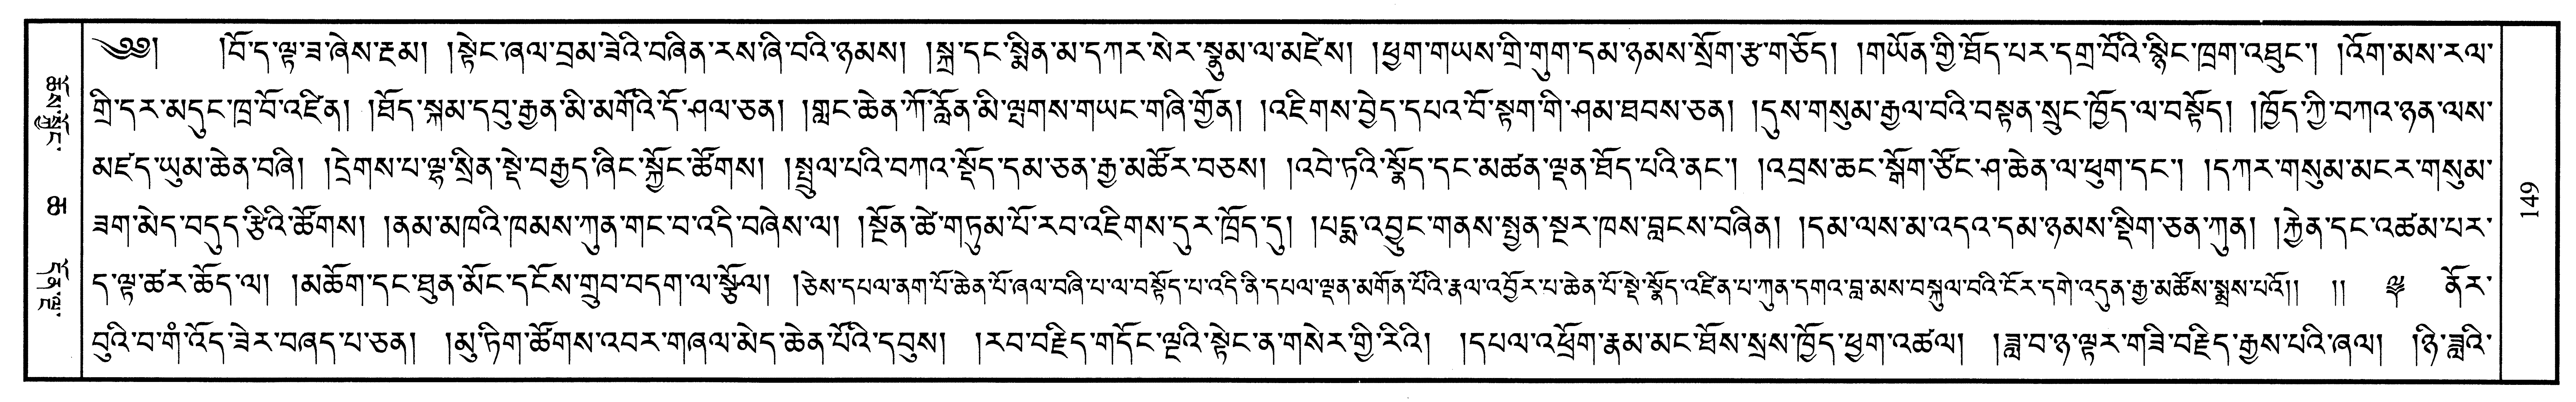༄༅། །བོ་ད་ལྟ་ཟ་ཞེས་རྔམ། །སྟེང་ཞལ་བྲམ་ཟེའི་བཞིན་རས་ཞི་བའི་ཉམས། །སྐྲ་དང་སྨིན་མ་དཀར་སེར་སྣུམ་ལ་མཛེས། །ཕྱག་གཡས་གྲི་གུག་དམ་ཉམས་སྲོག་རྩ་གཅོད། །གཡོན་གྱི་ཐོད་པར་དགྲ་བོའི་སྙིང་ཁྲག་འཐུང་། །འོག་མས་རལ་
གྲི་དར་མདུང་ཁྲ་བོ་འཛིན། །ཐོད་སྐམ་དབུ་རྒྱན་མི་མགོའི་དོ་ཤལ་ཅན། །གླང་ཆེན་ཀོ་རློན་མི་ལྤགས་གཡང་གཞི་གྱོན། །འཇིགས་བྱེད་དཔའ་བོ་སྟག་གི་ཤམ་ཐབས་ཅན། །དུས་གསུམ་རྒྱལ་བའི་བསྟན་སྲུང་ཁྱོད་ལ་བསྟོད། །ཁྱོད་ཀྱི་བཀའ་ཉན་ལས་
མཛད་ཡུམ་ཆེན་བཞི། །དྲེགས་པ་ལྷ་སྲིན་སྡེ་བརྒྱད་ཞིང་སྐྱོང་ཚོགས། །སྤྲུལ་པའི་བཀའ་སྡོད་དམ་ཅན་རྒྱ་མཚོར་བཅས། །འབེ་ཏའི་སྣོད་དང་མཚན་ལྡན་ཐོད་པའི་ནང་། །འབྲས་ཆང་སྒོག་ཙོང་ཤ་ཆེན་ལ་ཕུག་དང་། །དཀར་གསུམ་མངར་གསུམ་
ཟག་མེད་བདུད་རྩིའི་ཚོགས། །ནམ་མཁའི་ཁམས་ཀུན་གང་བ་འདི་བཞེས་ལ། །སྔོན་ཚེ་གཏུམ་པོ་རབ་འཇིགས་དུར་ཁྲོད་དུ། །པདམ་འབྱུང་གནས་སྤྱན་སྔར་ཁས་བླངས་བཞིན། །དམ་ལས་མ་འདའ་དམ་ཉམས་སྡིག་ཅན་ཀུན། །རྐྱེན་དང་འཚམ་པར་
ད་ལྟ་ཚར་ཆོད་ལ། །མཆོག་དང་ཐུན་མོང་དངོས་གྲུབ་བདག་ལ་སྩོལ། །ཅེས་དཔལ་ནག་པོ་ཆེན་པོ་ཞལ་བཞི་པ་ལ་བསྟོད་པ་འདི་ནི་དཔལ་ལྡན་མགོན་པོའི་རྣལ་འབྱོར་པ་ཆེན་པོ་སྡེ་སྣོད་འཛིན་པ་ཀུན་དགའ་བླ་མས་བསྐུལ་བའི་ངོར་དགེ་འདུན་རྒྱ་མཚོས་སྨྲས་པའོ།། །། ༈ ནོར་
བུའི་བ་གཾ་འོད་ཟེར་བཞད་པ་ཅན། །མུ་ཏིག་ཚོགས་འབར་གཞལ་མེད་ཆེན་པོའི་དབུས། །རབ་བརྗིད་གདོང་ལྔའི་སྟེང་ན་གསེར་གྱི་རིའི། །དཔལ་འཕྲོག་རྣམ་མང་ཐོས་སྲས་ཁྱོད་ཕྱག་འཚལ། །ཟླ་བ་ཉ་ལྟར་གཟི་བརྗིད་རྒྱས་པའི་ཞལ། །ཉི་ཟླའི་